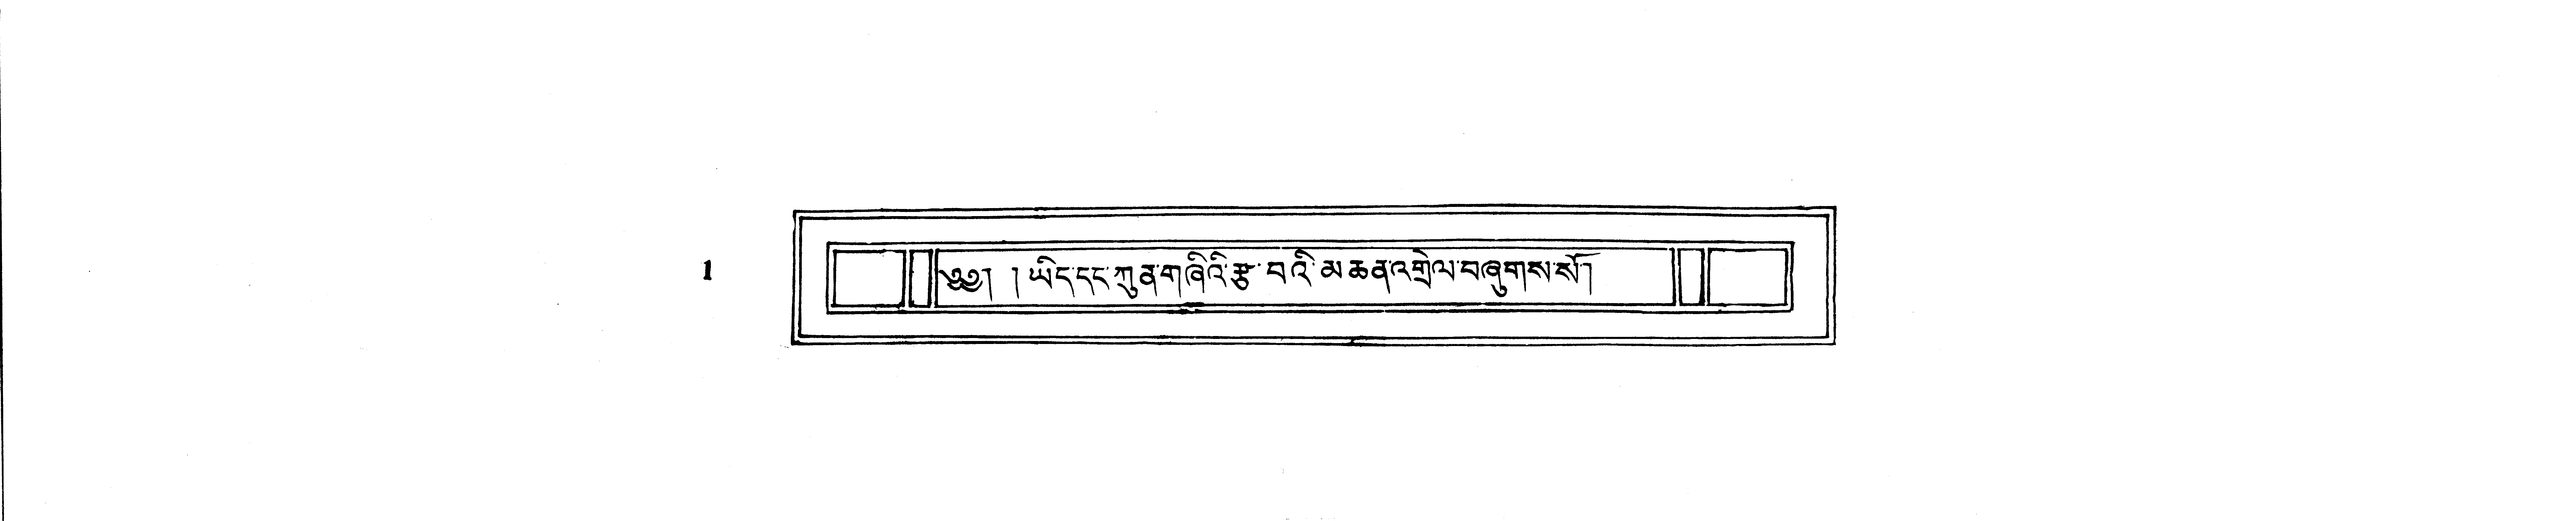༄༅། །ཡིད་དང་ཀུན་གཞིའི་རྩ་བའི་མཆན་འགྲེལ་བཞུགས་སོ།